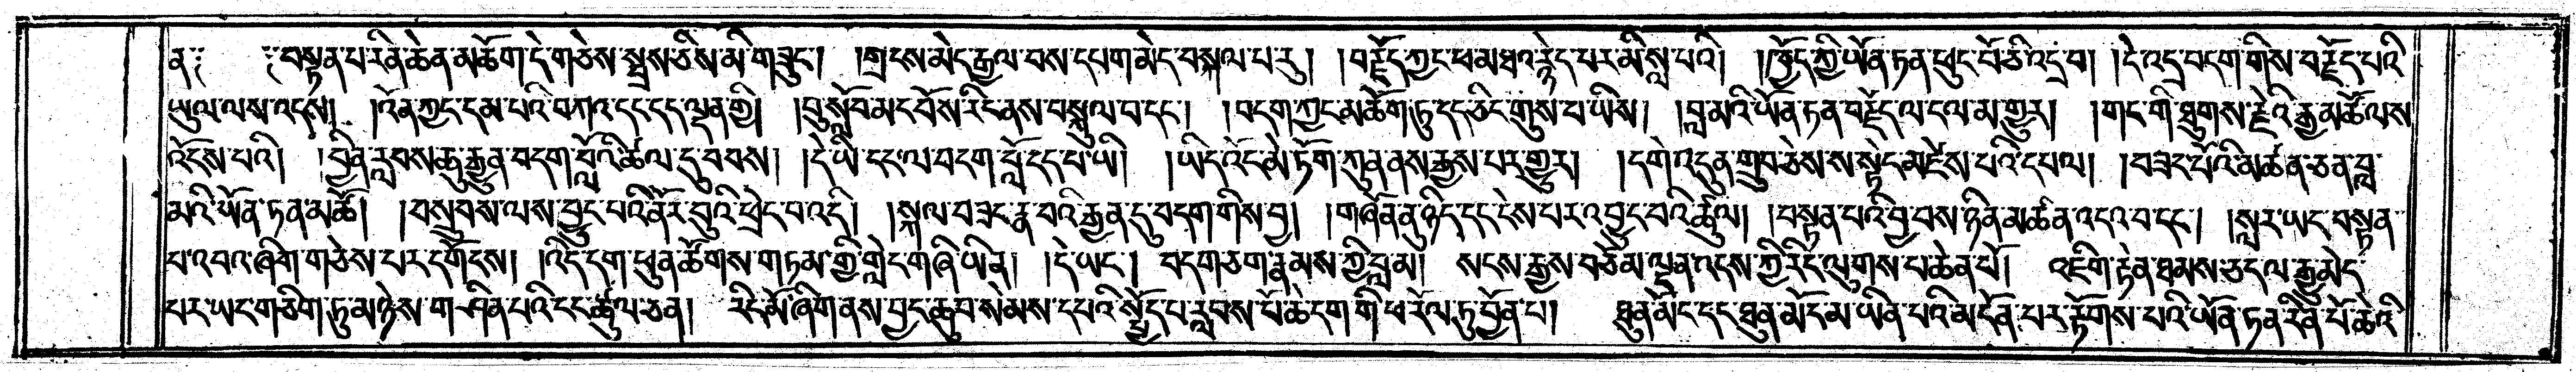ན༑ ༑བསྟན་པ་རིན་ཆེན་མཆོག་དེ་གཅེས་སྤྲས་ཅིས་མི་གཟུང་། །གྲངས་མེད་རྒྱལ་བས་དཔག་མེད་བསྐལ་པ་རུ། །བརྗོད་ཀྱང་ཕ་མཐའ་རྙེད་པར་མི་སླ་པའི། །ཁྱོད་ཀྱི་ཡོན་ཏན་ཕུང་པོ་ཅི་འདྲ་བ། །དེ་འདྲ་བདག་གིས་བརྗོད་པའི་
ཡུལ་ལས་འདས། །འོན་ཀྱང་དམ་པའི་བཀའ་དང་དད་ལྡན་གྱི། །བུ་སློབ་མང་བོས་རིང་ནས་བསྐུལ་བ་དང་། །བདག་ཀྱང་མཆོག་ཏུ་དད་ཅིང་གུས་པ་ཡིས། །བླ་མའི་ཡོན་ཏན་བརྗོད་ལ་ངལ་མ་གྱུར། །གང་གི་ཐུགས་རྗེའི་རྒྱ་མཚོ་ལས་
འོངས་པའི། །བྱིན་རླབས་ཆུ་རྒྱུན་བདག་བློའི་ཚིལ་དུ་བབས། །དེ་ཡི་ངང་ལ་བདག་བློ་དད་པ་ཡི། །ཡིད་འོད་མེ་ཏོག་ཀུན་ནས་རྒྱས་པར་གྱུར། །དགེ་འདུན་གྲུབ་ཅེས་ས་སྟེང་མཛེས་པའི་དཔལ། །བཟང་པོའི་མཚན་ཅན་བླ་
མའི་ཡོན་ཏན་མཚོ། །བསྲུབས་ལས་བྱུང་པའི་ནོར་བུའི་ཕྲེང་བ་འདི། །སྐལ་བཟང་རྣ་བའི་རྒྱན་དུ་བདག་གིས་བྱ། །གཞོན་ནུ་ཉིད་དང་ངེས་པར་འབྱུང་བའི་ཚུལ། །བསྟན་པའི་བྱ་བས་ཉིན་མཚན་འདའ་བ་དང་། །སླར་ཡང་བསྟན་
པ་འབའ་ཞིག་གཅེས་པར་དགོངས། །འདི་དག་ཕུན་ཚོགས་གཏམ་གྱི་གླེང་གཞི་ཡིན། །དེ་ཡང་། བདག་ཅག་རྣམས་ཀྱི་བླ་མ། སངས་རྒྱས་བཅོམ་ལྡན་འདས་ཀྱི་རིང་ལུགས་པ་ཆེན་པོ། འཇིག་རྟེན་ཐམས་ཅད་ལ་རྒྱུ་མེད་
པར་ཡང་གཅིག་ཏུ་མཉེས་གཤིན་པའི་ངང་ཚུལ་ཅན། རིང་མོ་ཞིག་ནས་བྱང་ཆུབ་སེམས་དཔའི་སྤྱོད་པ་རླབས་པོ་ཆེ་དག་གི་ཕ་རོལ་ཏུ་བྱོན་པ། ཐུན་མོང་དང་ཐུན་མོང་མ་ཡིན་པའི་མངོན་པར་རྟོགས་པའི་ཡོན་ཏན་རིན་པོ་ཆེའི་